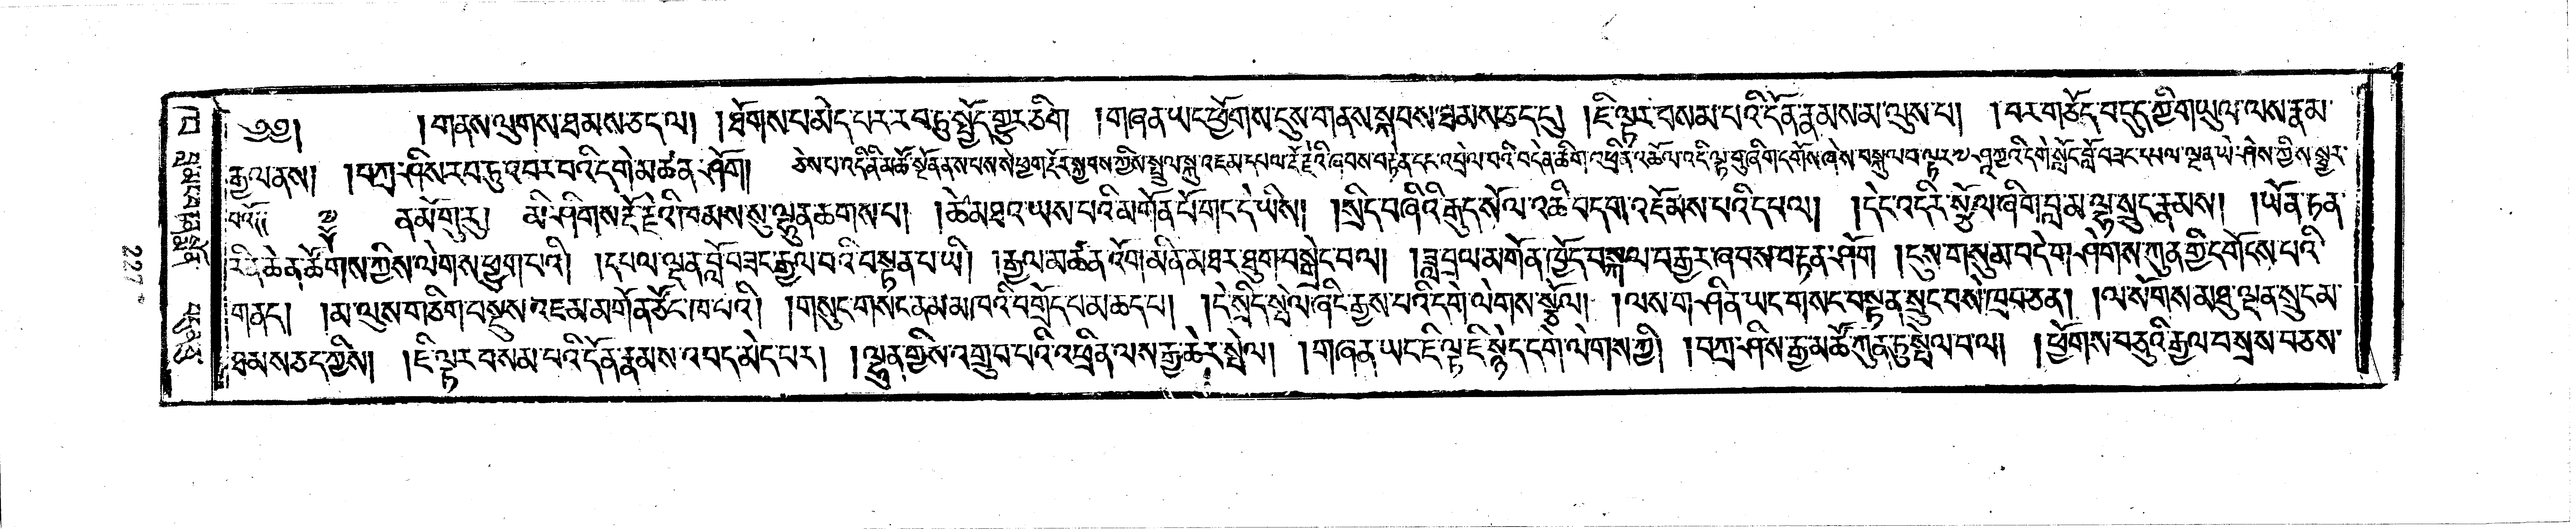༄༅། །གནས་ལུགས་ཐམས་ཅད་ལ། །ཐོགས་པ་མེད་པར་རབ་ཏུ་སྤྱོད་གྱུར་ཅིག །གཞན་ཡང་ཕྱོགས་དུས་གནས་སྐབས་ཐམས་ཅད་དུ། །ཇི་ལྟར་བསམ་པའི་དོན་རྣམས་མ་ལུས་པ། །བར་གཅོད་བདུད་ཀྱི་གཡུལ་ལས་རྣམ་
རྒྱལ་ནས། །བཀྲ་ཤིས་རབ་ཏུ་འབར་བའི་དགེ་མཚན་ཤོག། ཅེས་པ་འདི་ནི་མཚོ་སྔོན་ན་ས་པས་སེ་ཕྱག་རྡོར་སྐྱབས་ཀྱིས་སྤྲུལ་སྐུ་འཇམ་དཔལ་རྡོ་རྗེའི་ཞབས་བརྟེན་དང་འབྲེལ་བའི་བདེན་ཚིག་འཕྲིན་འཆོལ་འདི་ལྟ་བུ་ཞིག་དགོས་ཞེས་བསྐུལ་བ་ལྟར་༧་ཤཱཀྱའི་དགེ་སློང་བློ་བཟང་དཔལ་ལྡན་ཡེ་ཤེས་ཀྱིས་སྦྱར་
བའོ༑༑ ༈ ན་མོ་གུ་རུ། མི་ཤིགས་རྡོ་རྗེའི་ཁམས་སུ་ལྷུན་ཆགས་པ། །ཚེ་མཐའ་ཡས་པའི་མགོན་པོ་གང་དེ་ཡིས། །སྲིད་བཞིའི་རྒུད་སོལ་འཆི་བདག་འཇོམས་པའི་དཔལ། །དེང་འདིར་སྩོལ་ཞིག་བླ་མ་ལྷ་སྲུང་རྣམས། །ཡོན་ཏན་
རིན་ཆེན་ཚོགས་ཀྱིས་ལེགས་ཕྱུག་པའི། །དཔལ་ལྡན་བློ་བཟང་རྒྱལ་བའི་བསྟན་པ་ཡི། །རྒྱལ་མཚན་འོག་མིན་མཐར་ཐུག་བསྒྲེང་བ་ལ། །ཟླ་བྲལ་མགོན་ཁྱོད་བསྐལ་བརྒྱར་ཞབས་བརྟན་ཤོག །དུས་གསུམ་བདེ་གཤེགས་ཀུན་གྱི་དགོངས་པའི་
གནད། །མ་ལུས་གཅིག་བསྡུས་འཇམ་མགོན་ཙོང་ཁ་པའི། །གསུང་གསང་ནམ་མཁའི་བགྲོད་པ་མཆད་པ། །དེ་སྲིད་སྤེལ་ཞིང་རྒྱས་པའི་དགེ་ལེགས་སྩོལ། །ལས་གཤིན་ཡང་གསང་བསྟན་སྲུང་བསེ་ཁྲབ་ཅན། །ལ་སོགས་མཐུ་ལྡན་སྲུང་མ་
ཐམས་ཅད་ཀྱིས། །ཇི་ལྟར་བསམ་པའི་དོན་རྣམས་འབད་མེད་པར། །ལྷུན་གྱིས་འགྲུབ་པའི་འཕྲིན་ལས་རྒྱ་ཆེར་སྤེལ། །གཞན་ཡང་ཇི་ལྟ་ཇི་སྙེད་དགེ་ལེགས་ཀྱི། །བཀྲ་ཤིས་རྒྱ་མཚོ་ཀུན་ཏུ་སྤེལ་བ་ལ། །ཕྱོགས་བཅུའི་རྒྱལ་བ་སྲས་བཅས་